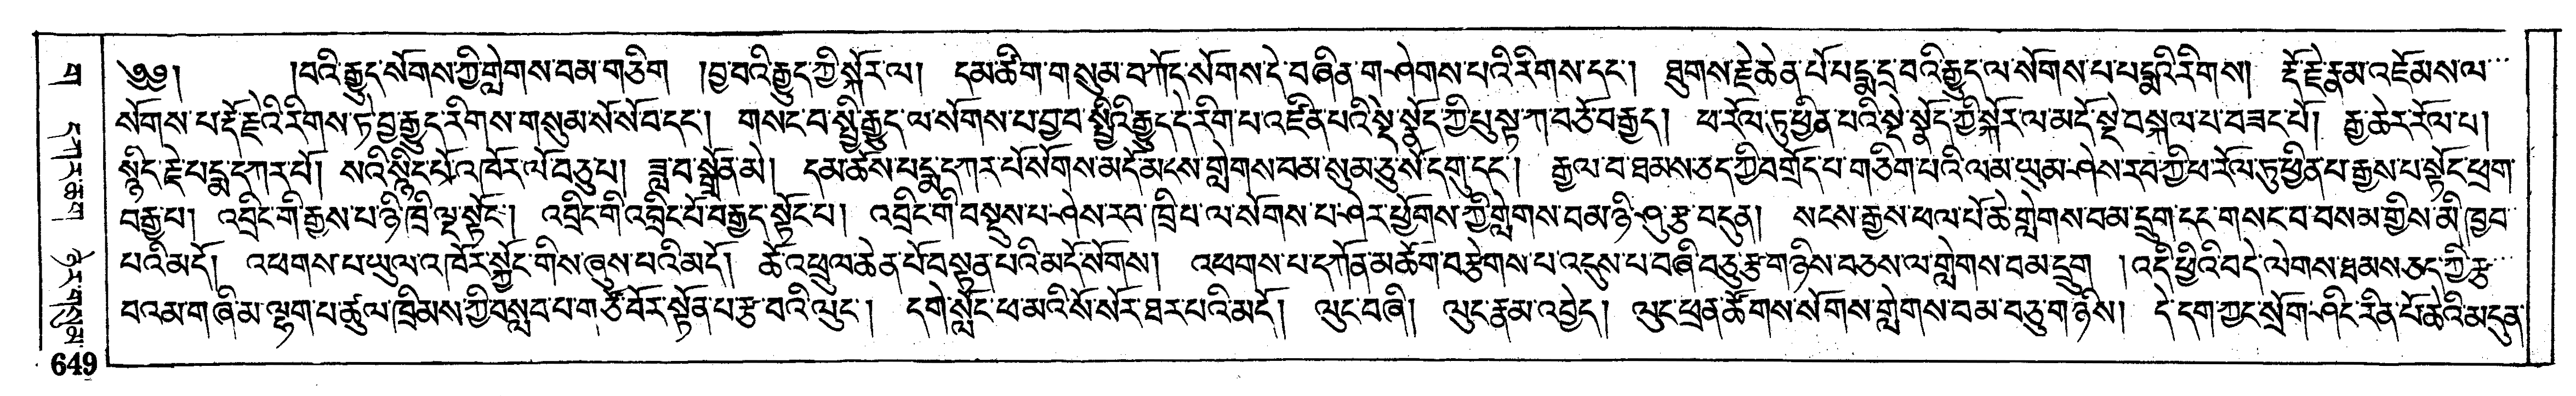༄༅། །བའི་རྒྱུད་སོགས་ཀྱི་གླེགས་བམ་གཅིག །བྱ་བའི་རྒྱུད་ཀྱི་སྐོར་ལ། དམ་ཚིག་གསུམ་བཀོད་སོགས་དེ་བཞིན་གཤེགས་པའི་རིགས་དང་། ཐུགས་རྗེ་ཆེན་པོ་པདམ་དྲ་བའི་རྒྱུད་ལ་སོགས་པ་པདམའི་རིགས། རྡོ་རྗེ་རྣམ་འཇོམས་ལ་
སོགས་པ་རྡོ་རྗེའི་རིགས་ཏེ་བྱ་རྒྱུད་རིགས་གསུམ་སོ་སོ་བ་དང་། གསང་བ་སྦྱི་རྒྱུད་ལ་སོགས་པ་བྱ་བ་སྤྱིའི་རྒྱུད་དེ་རིག་པ་འཛིན་པའི་སྡེ་སྣོད་ཀྱི་པུསྟ་ཀ་བཅོ་བརྒྱད། ཕ་རོལ་ཏུ་ཕྱིན་པའི་སྡེ་སྣོད་ཀྱི་སྐོར་ལ་མདོ་སྡེ་བསྐལ་བ་བཟང་པོ། རྒྱ་ཆེར་རོལ་པ།
སྙིང་རྗེ་པདམ་དཀར་པོ། སའི་སྙིང་པོ་འཁོར་ལོ་བཅུ་པ། ཟླ་བ་སྒྲོན་མེ། དམ་ཆོས་པདམ་དཀར་པོ་སོགས་མདོ་མངས་གླེགས་བམ་སུམ་ཅུ་སོ་དགུ་དང་། རྒྱལ་བ་ཐམས་ཅད་ཀྱི་བགྲོད་པ་གཅིག་པའི་ལམ་ཡུམ་ཤེས་རབ་ཀྱི་ཕ་རོལ་ཏུ་ཕྱིན་པ་རྒྱས་པ་སྟོང་ཕྲག་
བརྒྱ་པ། འབྲིང་གི་རྒྱས་པ་ཉི་ཁྲི་ལྔ་སྟོང་། འབྲིང་གི་འབྲིང་པོ་བརྒྱད་སྟོང་པ། འབྲིང་གི་བསྡུས་པ་ཤེས་རབ་ཁྲི་པ་ལ་སོགས་པ་ཤེར་ཕྱོགས་ཀྱི་གླེགས་བམ་ཉི་ཤུ་རྩ་བདུན། སངས་རྒྱས་ཕལ་པོ་ཆེ་གླེགས་བམ་དྲུག་དང་གསང་བ་བསམ་གྱིས་མི་ཁྱབ་
པའི་མདོ། འཕགས་པ་ཡུལ་འཁོར་སྐྱོང་གིས་ཞུས་པའི་མདོ། ཆོ་འཕྲུལ་ཆེན་པོ་བསྟན་པའི་མདོ་སོགས། འཕགས་པ་དཀོན་མཆོག་བརྩེགས་པ་འདུས་པ་བཞི་བཅུ་རྩ་གཉིས་བཅས་ལ་གླེགས་བམ་དྲུག །འདི་ཕྱིའི་བདེ་ལེགས་ཐམས་ཅད་ཀྱི་རྩ་
བའམ་གཞི་མ་ལྷག་པ་ཚུལ་ཁྲིམས་ཀྱི་བསླབ་པ་གཙོ་བོར་སྟོན་པ་རྩ་བའི་ལུང་། དགེ་སློང་ཕ་མའི་སོ་སོར་ཐར་པའི་མདོ། ལུང་བཞི། ལུང་རྣམ་འབྱེད། ལུང་ཕྲན་ཚོགས་སོགས་གླེགས་བམ་བཅུ་གཉིས། དེ་དག་ཀྱང་སྲོག་ཤིང་རིན་པོ་ཆེའི་མདུན་